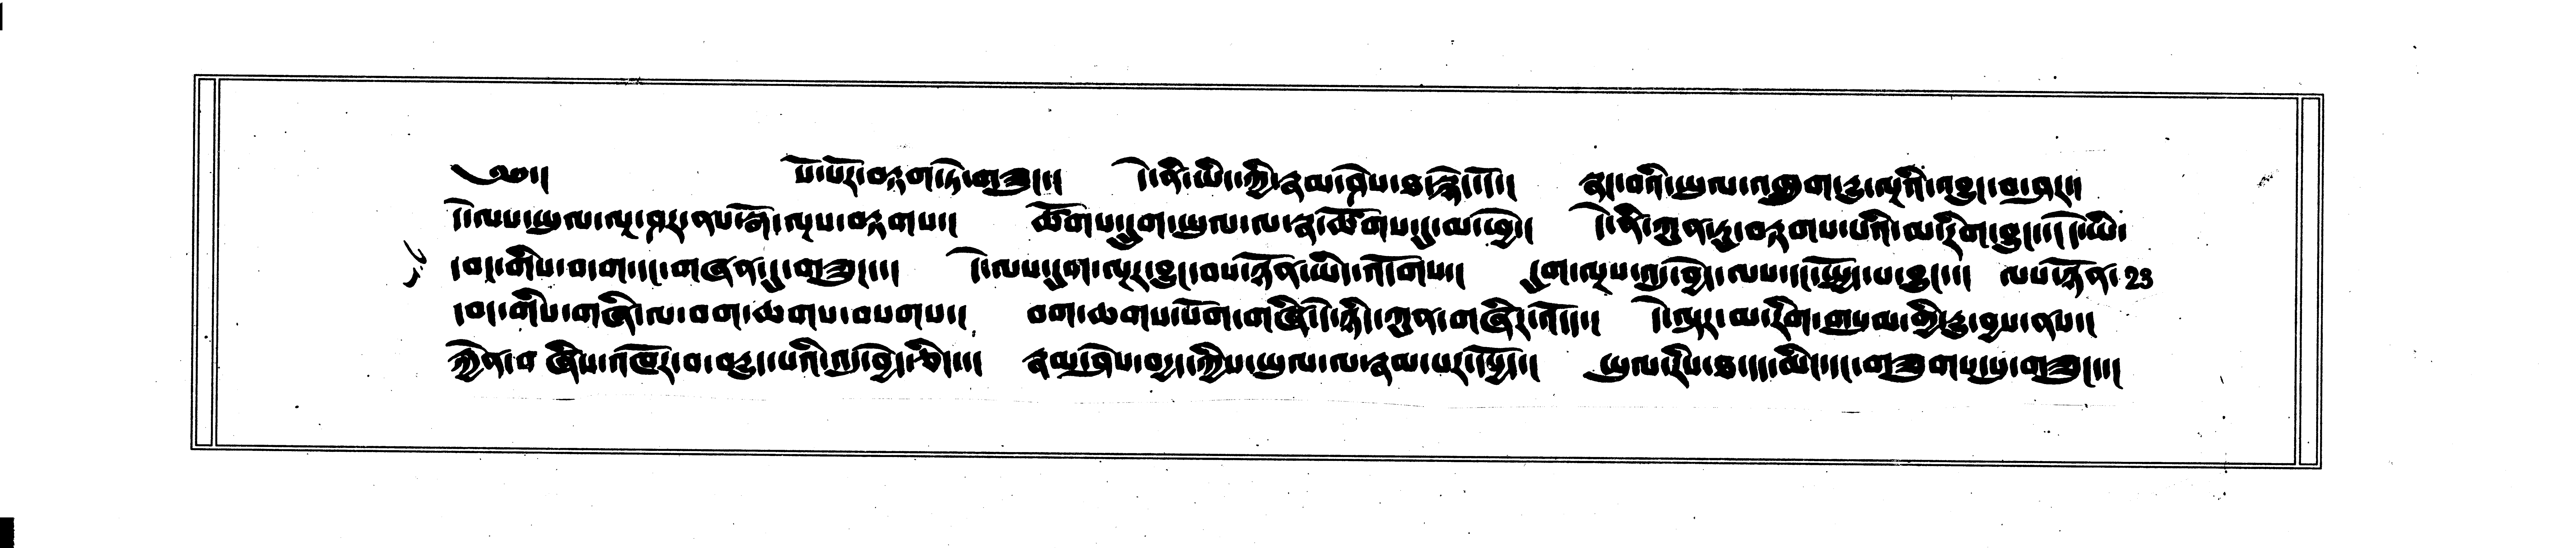སོ་སོར་བརྟག་ཏེ་བཟུང་། །དེ་ནི་ཡིད་ཀྱི་རྣམ་ཤེས་ཐ་སྙད་དོ། །སྣང་བའི་ཡུལ་འཁྲུག་རྒྱུ་ལྔའི་འབྱུང་བ་ཤར། །
དེ་ལས་ཡུལ་ལྔ་ཤར་ནས་སྒོ་ལྔས་བརྟགས། །ཚོགས་དྲུག་ཡུལ་ལ་སྣ་ཚོགས་དུ་མ་ཕྱེད། །དེ་ནི་ཀུན་ཏུ་བརྟགས་པའི་མ་རིག་བྱུང་། །དེ་ཡི་
དབང་གིས་བདག་དང་གཞན་དུ་བཟུང་། །དེ་ལས་དུག་ལྔར་བྱུང་བས་ཉོན་ཡིད་འདོགས། །དུག་ལྔས་འདུ་བྱེད་ལས་དང་སྤྱོད་པ་བྱུང་། །ལས་ཉོན་
དབང་གིས་གཞི་ལ་བག་ཆགས་བསགས། །བག་ཆགས་སོག་གཞི་དེ་ཉིད་ཀུན་གཞིར་འདོད། །དེ་ལྟར་མ་རིག་གསུམ་གྱི་རྒྱུ་བྱས་ནས། །
རྐྱེན་བཞིས་འཁོར་བ་བརྒྱུད་པའི་འདུ་བྱེད་ཅིང་། །རྣམ་ཤེས་བརྒྱད་ཀྱིས་ཡུལ་ལ་རྣམ་པར་དཔྱོད། །ཡུལ་རིས་ཐ་དད་མིང་དང་གཟུགས་སུ་བཟུང་། །